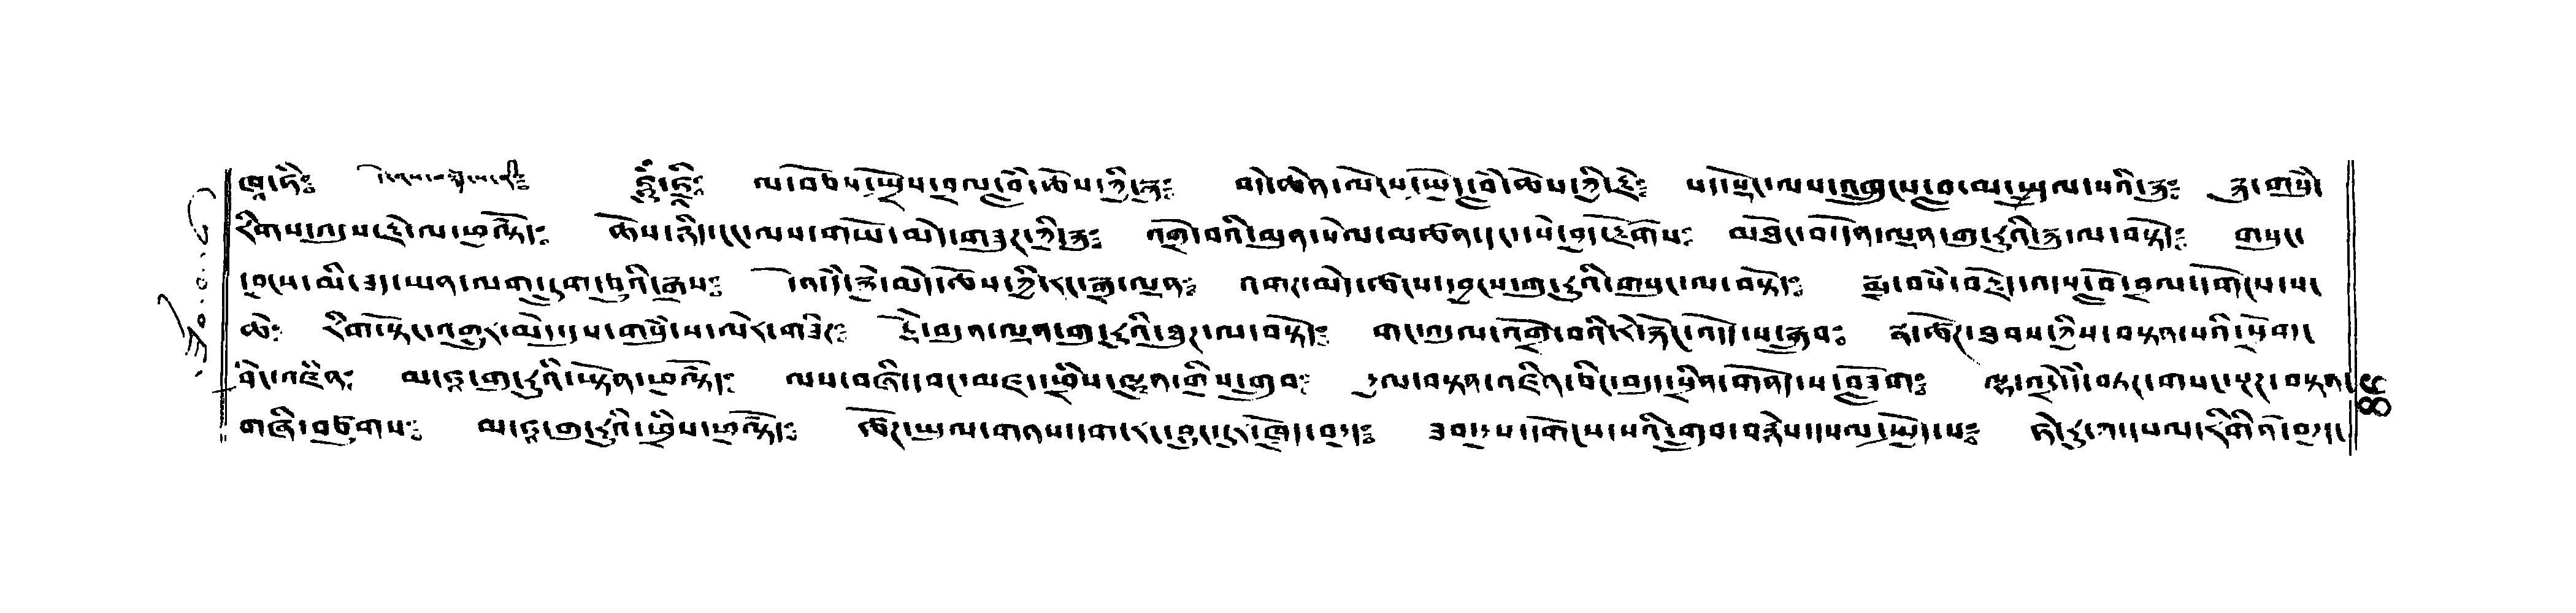ཁཱ་ཧིཿ དེ་ནས་བསྟོད་པ་ནི༔ ཧཱུྃ་ཧྲཱིཿ མ་བཅོས་སྤྲོས་བྲལ་བླ་མ་ཆོས་ཀྱི་སྐུ༔ བདེ་ཆེན་ལོངས་སྤྱོད་བླ་མ་ཆོས་ཀྱི་རྗེ༔ པད་སྡོང་ལས་འཁྲུངས་བླ་མ་སྤྲུལ་པའི་སྐུ༔ སྐུ་གསུམ་
རིག་འདུས་རྗེ་ལ་ཕྱག་འཚལ་བསྟོད༔ ཆོས་ཉིད་ངང་ལས་གཡོ་མེད་གཟུགས་ཀྱི་སྐུ༔ འགྲོ་བའི་མུན་སེལ་མཚན་དང་དཔེ་བྱད་རྫོགས༔ མཐོང་བ་དོན་ལྡན་གུ་རུའི་སྐུ་ལ་བསྟོད༔ གསུང་
དབྱངས་མི་ཟད་ཡན་ལག་དྲུག་ཅུའི་སྒྲས༔ དོན་དམ་སྐྱེ་མེད་ཆོས་ཀྱི་རང་སྒྲ་ལྡན༔ འགག་མེད་ཚངས་དབྱངས་གུ་རུའི་གསུང་ལ་བསྟོད༔ སྨྲ་བསམ་བརྗོད་འདས་བློ་བྲལ་དགོངས་པ་
ཆེ༔ རིག་སྟོང་འགྱུར་མེད་དུས་གསུམ་ས་ལེར་གཟིགས༔ རྡོ་རྗེ་བདུན་ལྡན་གུ་རུའི་ཐུགས་ལ་བསྟོད༔ གང་འདུལ་འགྲོ་བའི་རེ་སྐོང་འདོད་པ་སྒྲུབ༔ སྣ་ཚོགས་ཐབས་ཀྱིས་བསྟན་པའི་སྲོག་
ཤིང་འཛིན༔ མ་ཧཱ་གུ་རུའི་ཡོན་ཏན་ཕྱག་འཚལ་བསྟོད༔ ལས་བཞི་དབང་མཛད་ཕྲིན་ལས་ལྷུན་གྱིས་གྲུབ༔ རྒྱལ་བསྟན་འཛིན་ཞིང་བདུད་སྲིན་གནོད་པ་ཟློག༔ ལྷ་འདྲེ་དམ་བཏགས་གསང་སྔགས་བསྟན་
གཞི་བཙུགས༔ མ་ཧཱ་གུ་རུའི་ཕྲིན་ལས་ཕྱག་འཚལ་བསྟོད༔ ཚོགས་ཡུལ་གནས་དག་རང་བྱུང་དུར་ཁྲོད་བརྒྱད༔ ཟབ་རྒྱས་དགོངས་པའི་གྲུབ་བརྙེས་དཔལ་སྤྱོད་པ༔ ཧེ་རུ་ཀ་དཔལ་རིག་འཛིན་བརྒྱད་